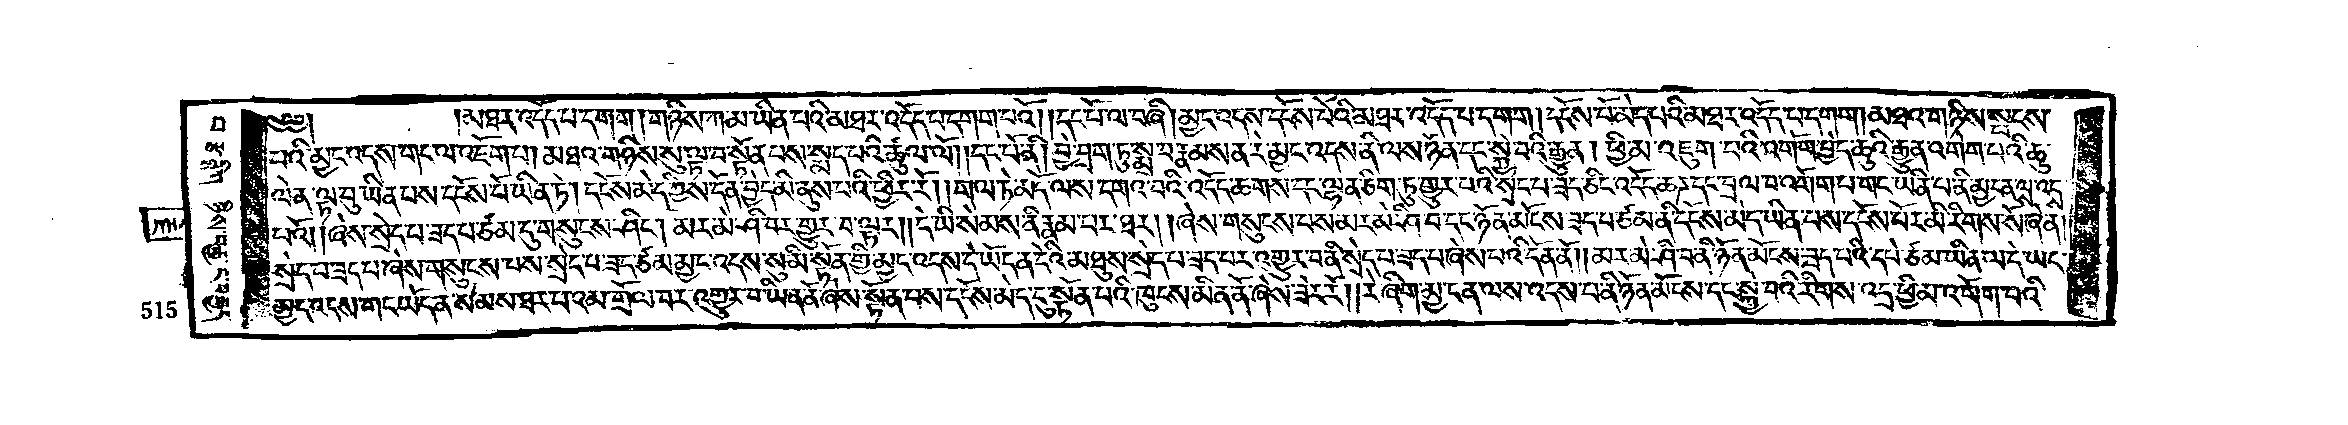༄༅། །མཐར་འདོད་པ་དགག། གཉིས་ཀ་མ་ཡིན་པའི་མཐར་འདོད་པ་དགག་པའོ། །དང་པོ་ལ་བཞི། མྱང་འདས་དངོས་པོའི་མཐར་འདོད་པ་དགག། དངོས་པོ་མེད་པའི་མཐར་འདོད་པ་དགག། མཐའ་གཉིས་སྤངས་
པའི་མྱང་འདས་གང་ལ་འཇོག་པ། མཐའ་གཉིས་སུ་ལྟ་བ་སྟོན་པས་སྨད་པའི་ཚུལ་ལོ། །དང་པོ་ནི། བྱེ་བྲག་ཏུ་སྨྲ་བ་རྣམས་ན་རེ་མྱང་འདས་ནི་ལས་ཉོན་དང་སྐྱེ་བའི་རྒྱུན། ཕྱི་མ་འཇུག་པའི་འགོག་བྱེད་ཆུའི་རྒྱུན་འགོག་པའི་ཆུ་
ལེན་ལྟ་བུ་ཡིན་པས་དངོས་པོ་ཡིན་ཏེ། དངོས་མེད་ཀྱིས་དོན་བྱེད་མི་ནུས་པའི་ཕྱིར་རོ། །གལ་ཏེ་མདོ་ལས་དགའ་བའི་འདོད་ཆགས་དང་ལྷན་ཅིག་ཏུ་གྱུར་བའི་སྲེད་པ་ཟད་ཅིང་འདོད་ཆཌ་དང་བྲ་བ་འགོག་བ་གང་ཡིན་པ་ནི་མྱ་ངན་ལས་འདས་
པའོ། །ཞེས་སྲིད་པ་ཟད་པ་ཙམ་དུ་གསུངས་ཤིང་། མར་མེ་ཤི་བར་གྱུར་བ་ལྟར། །དེ་ཡི་སེམས་ནི་རྣམ་པར་ཐར། །ཞེས་གསུངས་པས་མར་མེ་ཤི་བ་དང་ཉོན་མོངས་ཟད་པ་ཙམ་ནི་དངོས་མེད་ཡིན་པས་དངོས་པོར་མི་རིགས་སོ་ཞེ་ན། །
སྲེད་པ་ཟད་པ་ཞེས་གསུངས་པས་སྲེད་པ་ཟད་ཙམ་མྱང་འདས་སུ་མི་སྟོན་གྱི་མྱང་འདས་དེ་ཡོད་ན་དེའི་མཐུས་སྲེད་པ་ཟད་པར་འགྱུར་བ་ནི་སྲེད་པ་ཟད་པ་ཞེས་པའི་དོན་ནོ། །མར་མེ་ཤི་བ་ནི་ཉོན་མོངས་ཟད་པའི་དཔེ་ཙམ་ཡིན་ལ་དེ་ཡང་
མྱང་འདས་གང་ཡོད་ན་སེམས་ཐར་པ་འམ་གྲོལ་བར་འགྱུར་བ་ཡིན་ནོ་ཞེས་སྟོན་པས་དངོས་མེད་དུ་སྟོན་པའི་ཁུངས་མིན་ནོ་ཞེས་ཟེར་རོ། །རེ་ཞིག་མྱ་ངན་ལས་འདས་པ་ནི་ཉོན་མོངས་དང་སྐྱེ་བའི་རིགས་འདྲ་ཕྱི་མ་འགོག་པའི་